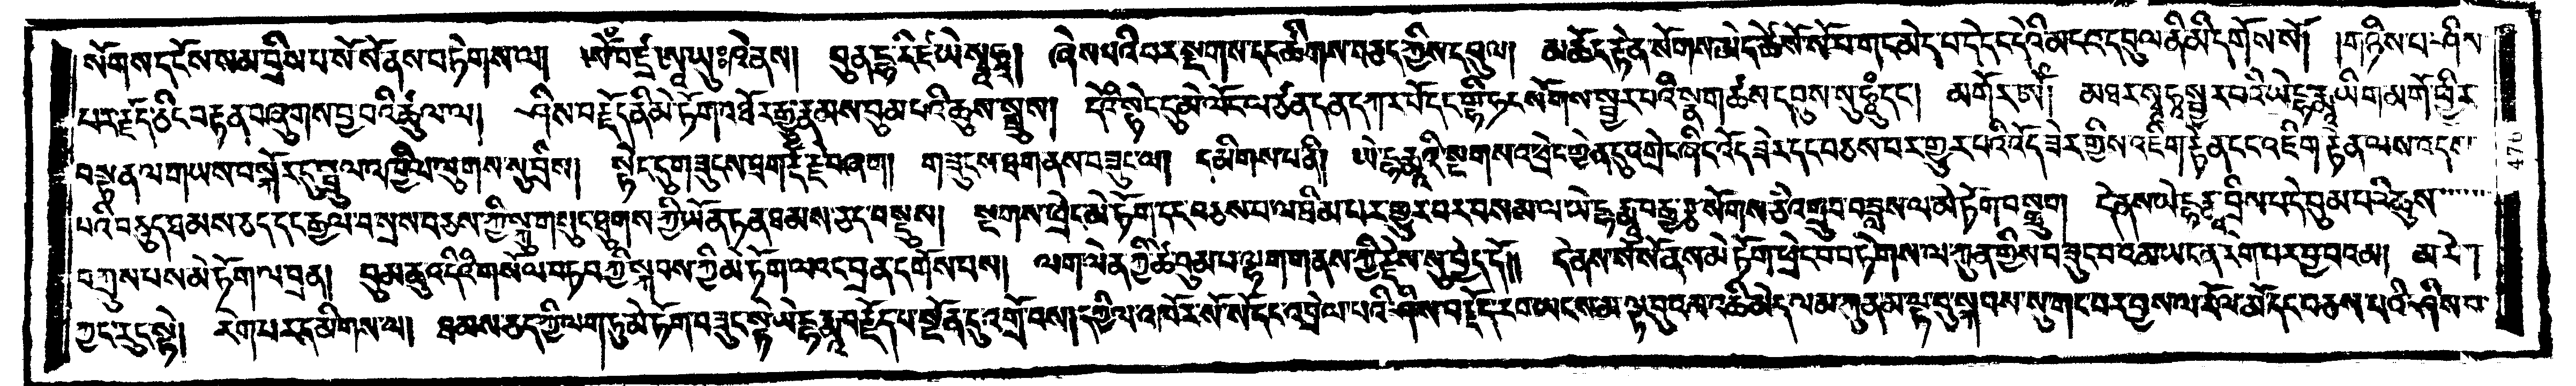སོགས་དངོས་སམ་བྲིས་པ་སོ་སོ་ནས་བཏེགས་ལ། ཨོཾ་བཛྲ་ཨཱ་ཡུཿ ཥེ་ནས། བུན་དྷ་རི་ཇི་ཡེ་སྭཱཧཱ། ཞེས་པའི་བར་སྔགས་དང་ཚིགས་བཅད་ཀྱིས་དབུལ། མཆོད་རྟེན་སོགས་མེ་ཚེ་སོ་སོ་བ་གང་མེད་པ་དེ་དང་དེའི་མངའ་དབུལ་ནི་མི་དགོས་སོ། །གཉིས་པ་ཤིས་
པར་རྗོད་ཅིང་བརྟན་བཞུགས་བྱ་བའི་ཚུལ་ལ། ཤིས་བརྗོད་ནི་མེ་ཏོག་འཐོར་རྒྱུ་རྣམས་བུམ་པའི་ཆུས་སྒྲུབ། དེའི་སྟེང་དུ་མེ་ལོང་ལ་ཙན་དན་དཀར་པོ་དང་ལྟི་ཧང་སོགས་སྦྱར་བའི་སྣག་ཚས་དབུས་སུ་ཧཱུཾ་དང་། མགོར་ཨོཾ། མཐར་སྭཱཏཱ་སྦྱར་བའི་ཡེ་དྷ་རྨཱ་ཡིག་མགོ་བྱིར་
བསྟན་ལ་གཡས་བསྐོར་དུ་སྦྲུལ་འཁྱིལ་ལུགས་སུ་བྲིས། སྟེང་དུ་གཟུངས་ཐག་རྡོ་རྗེ་བཞག །གཟུངས་ཐག་ནས་བཟུང་ལ། དམིགས་པ་ནི། ཡེ་དྷ་རྨཱའི་སྔགས་འཕྲེང་གྱེན་དུ་འགྲེ་བཞིང་འོད་ཟེར་དང་བཅས་པར་གྱུར་པའི་འོད་ཟེར་གྱིས་འཇིག་རྟེན་དང་འཇིག་རྟེན་ལས་འདས་
པའི་བཅུད་ཐམས་ཅད་དང་རྒྱལ་བ་སྲས་བཅས་ཀྱི་སྐུ་གསུང་ཐུགས་ཀྱི་ཡོན་ཏན་ཐམས་ཅད་བསྡུས། སྔགས་ཕྲེང་མེ་ཏོག་དང་བཅས་པ་ལ་ཐིམ་པར་གྱུར་པར་བསམ་ལ་ཡེ་དྷརྨཱ་བརྒྱ་རྩ་སོགས་ཅི་འགྲུབ་བཟླས་ལ་མེ་ཏོག་བསྒྲུབ། དེ་ནས་ཡེ་དྷ་རྨཱ་བྲིས་པ་དེ་བུམ་པའི་ཆུས་
བཀྲུས་པས་མེ་ཏོག་ལ་བྲན། བུམ་ཆུ་འདིའི་གསོལ་བཏབ་ཀྱི་སྐབས་ཀྱི་མ་ཏོག་ལའང་བྲན་དགོས་པས། ལན་ལེན་གྱི་ཚེ་བུམ་པ་ལྷག་གནས་ཀྱི་རྗེས་སུ་བྱེད་དོ། །དེ་ནས་སོ་སོ་ནས་མེ་ཏོག་ཕྲེང་བ་བཏེགས་ལ་ཀུན་གྱིས་བཟུང་བམ་ཡང་ན་རེག་པར་བྱ་བའམ། མེ་རེ།
ཀྱང་རུང་སྟེ། རེག་པར་དམིགས་ལ། ཐམས་ཅད་ཀྱི་ལག་ཏུ་མེ་ཏོག་བཟུང་སྟེ་ཡེ་དྷ་རྨཱ་བརྗོད་པ་སྔོན་དུ་འགོར་བས། དཀྱིལ་འཁོར་སོ་སོ་དང་འབྲེལ་བའི་ཤིས་བརྗོད་རབ་ཡངས་མ་ལྟ་བུ་བམ་འཆི་མེད་ལམ་ཀུན་མ་ལྟ་བུ་སྐབས་སུ་གང་བར་བྱས་ལ་རོལ་མོ་དང་བཅས་པའི་ཤིས་པ་